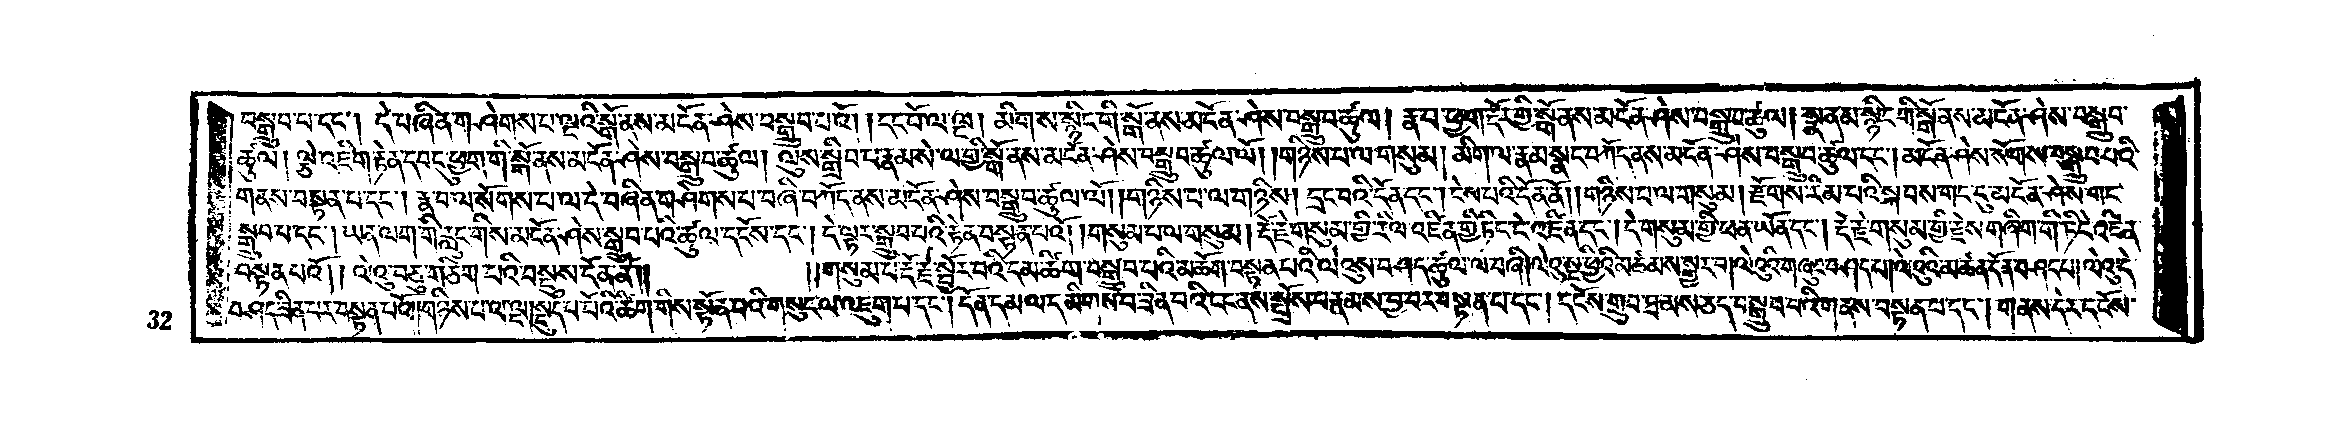བསྒྲུབ་པ་དང་། དེ་བཞིན་གཤེགས་པ་ལྔའི་སྒོ་ནས་མངོན་ཤེས་བསྒྲུབ་པའོ། །དང་པོ་ལ་ལྔ། མིག་ས་སྙིང་གི་སྒོ་ནས་མངོན་ཤེས་བསྒྲུབ་ཚུལ། རྣ་བ་ཕྱག་རྡོར་གྱི་སྒོ་ནས་མངོན་ཤེས་བསྒྲུབ་ཚུལ། སྣ་ནམ་སྙིང་གི་སྒོ་ནས་མངོན་ཤེས་བསྒྲུབ་
ཚུལ། ལྕེ་འཇིག་རྟེན་དབང་ཕྱུག་གི་སྒོ་ནས་མངོན་ཤེས་བསྒྲུབ་ཚུལ། ལུས་སྒྲིབ་པ་རྣམ་སེལ་གྱི་སྒོ་ནས་མངོན་ཤེས་བསྒྲུབ་ཚུལ་ལོ། །གཉིས་པ་ལ་གསུམ། མིག་ལ་རྣམ་སྣང་བཀོད་ནས་མངོན་ཤེས་བསྒྲུབ་ཚུལ་དང་། མངོན་ཤེས་སོགས་བསྒྲུབ་པའི་
གནས་བསྟན་པ་དང་། རྣ་བ་ལ་སོགས་པ་ལ་དེ་བཞིན་གཤེགས་པ་བཞི་བཀོད་ནས་མངོན་ཤེས་བསྒྲུབ་ཚུལ་ལོ། །གཉིས་པ་ལ་གཉིས། དྲང་བའི་དོན་དང་། ངེས་པའི་དོན་ནོ། །གཉིས་པ་ལ་གསུམ། རྫོགས་རིམ་པའི་སྐབས་གང་དུ་མངོན་ཤེས་གང་
སྒྲུབ་པ་དང་། ཡན་ལག་གི་རླུང་གིས་མངོན་ཤེས་སྒྲུབ་པའི་ཚུལ་དངོས་དང་། དེ་ལྟར་སྒྲུབ་པའི་རྟེན་བསྟན་པའོ། །གསུམ་པ་ལ་གསུམ། རྡོ་རྗེ་གསུམ་གྱི་རིལ་འཛིན་གྱི་ཏིང་ངེ་འཛིན་དང་། དེ་གསུམ་གྱི་ཕན་ཡོན་དང་། རྡོ་རྗེ་གསུམ་གྱི་རྗེས་གཞིག་གི་ཏིང་ངེ་འཛིན་
བསྟན་པའོ། །ལེའུ་བཅུ་གཅིག་པའི་བསྡུས་དོན་ནོ།། །།གསུམ་པ་རྡོ་རྗེ་སྦྱོར་བའི་དམ་ཚིག་བསྒྲུབ་པའི་མཆོག་བསྟན་པའི་ལེའུས་བཤད་ཚུལ་ལ་བཞི། ལེའུ་སྔ་ཕྱིའི་མཚམས་སྦྱར་བ། ལེའུའི་གཞུང་བཤད་པ། ལེའུའི་མཚན་དོན་བཤད་པ། ལེའུ་དེ་
བཤད་ཟིན་པར་བསྟན་པའོ། །གཉིས་པ་ལ་ལྔ། སྡུད་པ་པོའི་ཚིག་གིས་སྟོན་པའི་གསུང་ལ་འཇུག་པ་དང་། དོན་དམ་ལ་དམིགས་པ་ཟིན་པའི་ངང་ནས་སྤྲོས་པ་རྣམས་བྱ་བར་བསྟན་པ་དང་། དངོས་གྲུབ་ཐམས་ཅད་བསྒྲུབ་པའི་གནས་བསྟན་པ་དང་། གནས་དེར་དངོས་